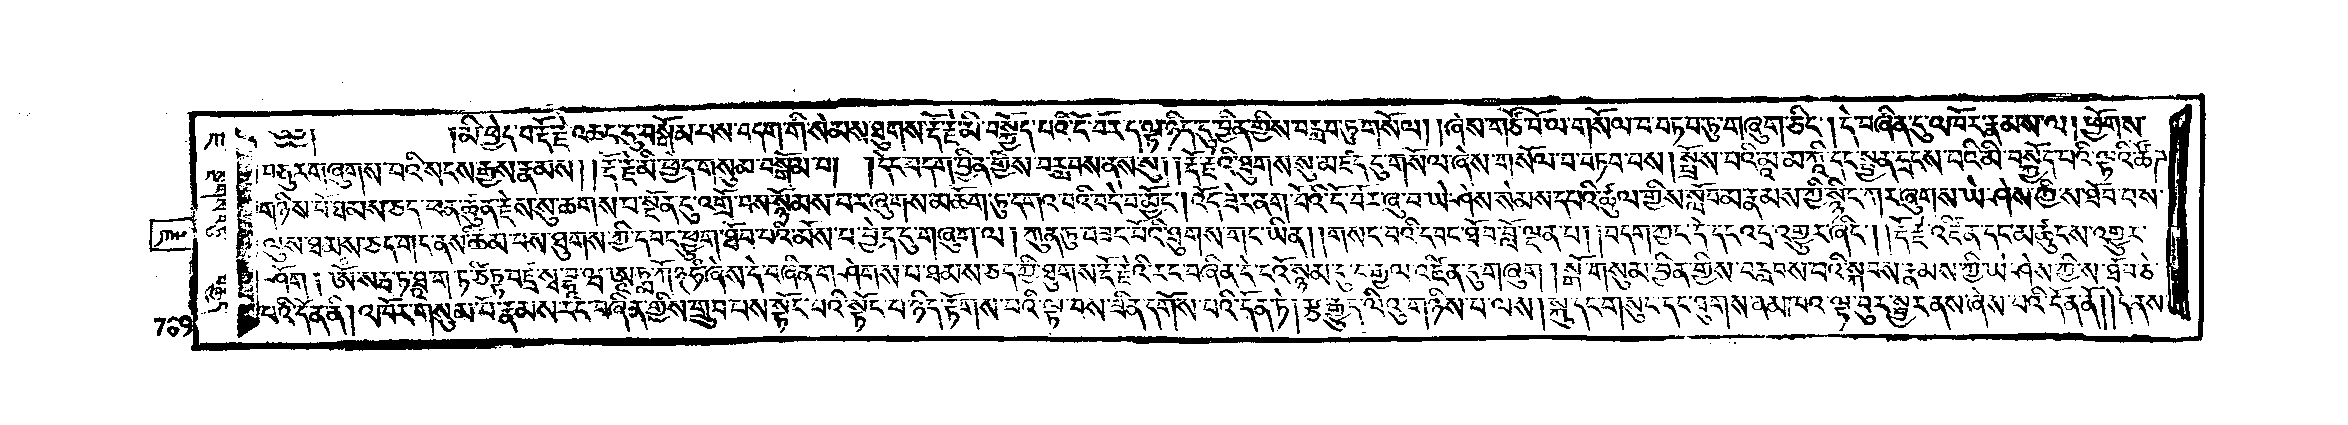༄༅། །མི་ཕྱེད་པ་རྡོ་རྗེ་འཆང་དུ་བསྒོམ་པས་བདག་གི་སེམས་ཐུགས་རྡོ་རྗེ་མི་བསྐྱོད་པའི་ངོ་བོར་ད་ལྟ་ཉིད་དུ་བྱིན་གྱིས་བརླབ་ཏུ་གསོལ། །ཞེས་གཙོ་བོ་ལ་གསོལ་བ་བཏབ་ཏུ་གཞུག་ཅིང་། དེ་བཞིན་དུ་འཁོར་རྣམས་ལ། ཕྱོགས་
བཅུར་གཞུགས་པའི་སངས་རྒྱས་རྣམས། །རྡོ་རྗེ་མི་ཕྱེད་གསུམ་བསྒོམ་པ། །དེང་བདག་བྱིན་གྱིས་བརླབས་ནས་སུ། །རྡོ་རྗེའི་ཐུགས་སུ་མཛད་དུ་གསོལ་ཞེས་གསོལ་བ་བཏབ་པས། སྤྲོས་པའི་མཱ་མ་ཀཱི་དང་སྤྱན་དྲངས་པའི་མི་བསྐྱོད་པའི་ལྟའི་ཚོགས་
གཉིས་པོ་ཐམས་ཅད་ཕན་ཚུན་རྗེས་སུ་ཆགས་པ་སྔོན་དུ་འགྲོ་བས་སྙོམས་པར་ཞུགས་མཆོག་ཏུ་དགའ་བའི་བདེ་བ་མྱོང་། འོད་ཟེར་ནག་པོའི་ངོ་བོར་ཞུ་བ་ཡེ་ཤེས་སེམས་དཔའི་ཚུལ་གྱིས་སློབ་མ་རྣམས་ཀྱི་སྙིང་ཀར་ཞུགས་ཡེ་ཤེས་ཀྱི་ས་ཐོབ་པས་
ལུས་ཐམས་ཅད་གང་ནས་ཚིམ་པས་ཐུགས་ཀྱི་དབང་ཕྱུག་ཐོབ་པའི་མོས་པ་བྱེད་དུ་གཞུག་ལ། ཀུན་ཏུ་བཟང་པོའི་ཐུགས་གང་ཡིན། །གསང་བའི་དབང་ཐོབ་བློ་ལྡན་པ། །བདག་ཀྱང་དེ་དང་འདྲ་འགྱུར་ཞིང་། །རྡོ་རྗེ་འཛིན་དང་མཚུངས་འགྱུར་
ཤོག །ཨོཾ་སརྦ་ཏ་ཐཱ་ག་ཏ་ཙི་ཏྟ་བཛྲ་སྭ་བྷཱ་ཝ་ཨཱ་ཏྨ་ཀོ་ཉཧམ་ཞེས་དེ་བཞིན་གཤེགས་པ་ཐམས་ཅད་ཀྱི་ཐུགས་རྡོ་རྗེའི་རང་བཞིན་དེ་ངའོ་སྙམ་དུ་ང་རྒྱལ་འཛིན་དུ་གཞུག །སྒོ་གསུམ་བྱིན་གྱིས་བརླབས་པའི་སྐབས་རྣམས་ཀྱི་ཡེ་ཤེས་ཀྱི་ས་ཐོབ་ཅེ་
པའི་དོན་ནི། འཁོར་གསུམ་པོ་རྣམས་རང་བཞིན་གྱིས་གྲུབ་པས་སྟོང་བའི་སྟོང་པ་ཉིད་རྟོགས་པའི་ལྟ་བས་ཟིན་དགོས་པའི་དོན་ཏེ། རྩ་རྒྱུད་ལེའུ་གཉིས་པ་ལས། སྐུ་དང་གསུང་དང་ཐུགས་ནམ་མཁའ་ལྟ་བུར་སྦྱར་ནས་ཞེས་པའི་དོན་ནོ། །དེ་ནས་